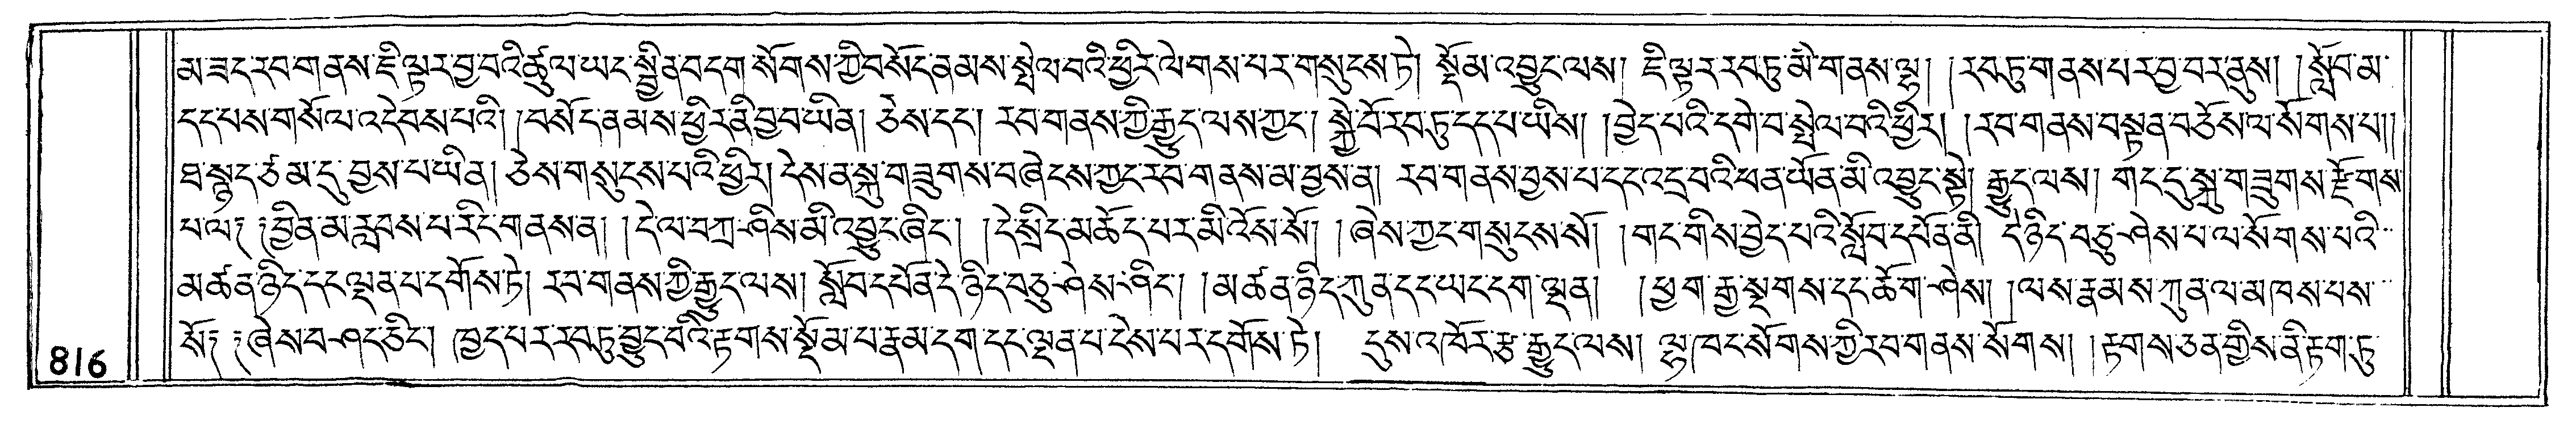མ་ཟད་རབ་གནས་ཇི་ལྟར་བྱ་བའི་ཚུལ་ཡང་སྦྱིན་བདག་སོགས་ཀྱི་བསོད་ནམས་སྤེལ་བའི་ཕྱིར་ལེགས་པར་གསུངས་ཏེ། སྡོམ་འབྱུང་ལས། ཇི་ལྟར་རབ་ཏུ་མི་གནས་ལྷ། །རབ་ཏུ་གནས་པར་བྱ་བར་ནུས། །སློབ་མ་
དད་པས་གསོལ་འདེབས་པའི། །བསོད་ནམས་ཕྱིར་ནི་བྱ་བ་ཡིན། ཅེས་དང་། རབ་གནས་ཀྱི་རྒྱུད་ལས་ཀྱང་། སྐྱེ་བོ་རབ་ཏུ་དད་པ་ཡིས། །བྱེད་པའི་དགེ་བ་སྤེལ་བའི་ཕྱིར། །རབ་གནས་བསྟན་བཅོས་ལ་སོགས་པ། །
ཐ་སྙད་ཙམ་དུ་བྱས་པ་ཡིན། ཅེས་གསུངས་པའི་ཕྱིར། དེས་ན་སྐུ་གཟུགས་བཞེངས་ཀྱང་རབ་གནས་མ་བྱས་ན། རབ་གནས་བྱས་པ་དང་འདྲ་བའི་ཕན་ཡོན་མི་འབྱུང་སྟེ། རྒྱུད་ལས། གང་དུ་སྐུ་གཟུགས་རྫོགས་
པ་ལ། །བྱིན་མ་རླབས་པ་རིང་གནས་ན། །དེ་ལ་བཀྲ་ཤིས་མི་འབྱུང་ཞིང་། །དེ་སྲིད་མཆོད་པར་མི་འོས་སོ། །ཞེས་ཀྱང་གསུངས་སོ། །གང་གིས་བྱེད་པའི་སློབ་དཔོན་ནི། དེ་ཉིད་བཅུ་ཤེས་པ་ལ་སོགས་པའི་
མཚན་ཉིད་དང་ལྡན་པ་དགོས་ཏེ། རབ་གནས་ཀྱི་རྒྱུད་ལས། སློབ་དཔོན་དེ་ཉིད་བཅུ་ཤེས་ཤིང་། །མཚན་ཉིད་ཀུན་དང་ཡང་དག་ལྡན། །ཕྱག་རྒྱ་སྔགས་དང་ཆོ་ག་ཤེས། །ལས་རྣམས་ཀུན་ལ་མཁས་པས་
སོ། །ཞེས་བཤད་ཅིང་། ཁྱད་པར་རབ་ཏུ་བྱུང་བའི་རྟགས་སྡོམ་པ་རྣམ་དག་དང་ལྡན་པ་ངེས་པར་དགོས་ཏེ། དུས་འཁོར་རྩ་རྒྱུད་ལས། ལྷ་ཁང་སོགས་ཀྱི་རབ་གནས་སོགས། །རྟགས་ཅན་གྱིས་ནི་རྟག་ཏུ་